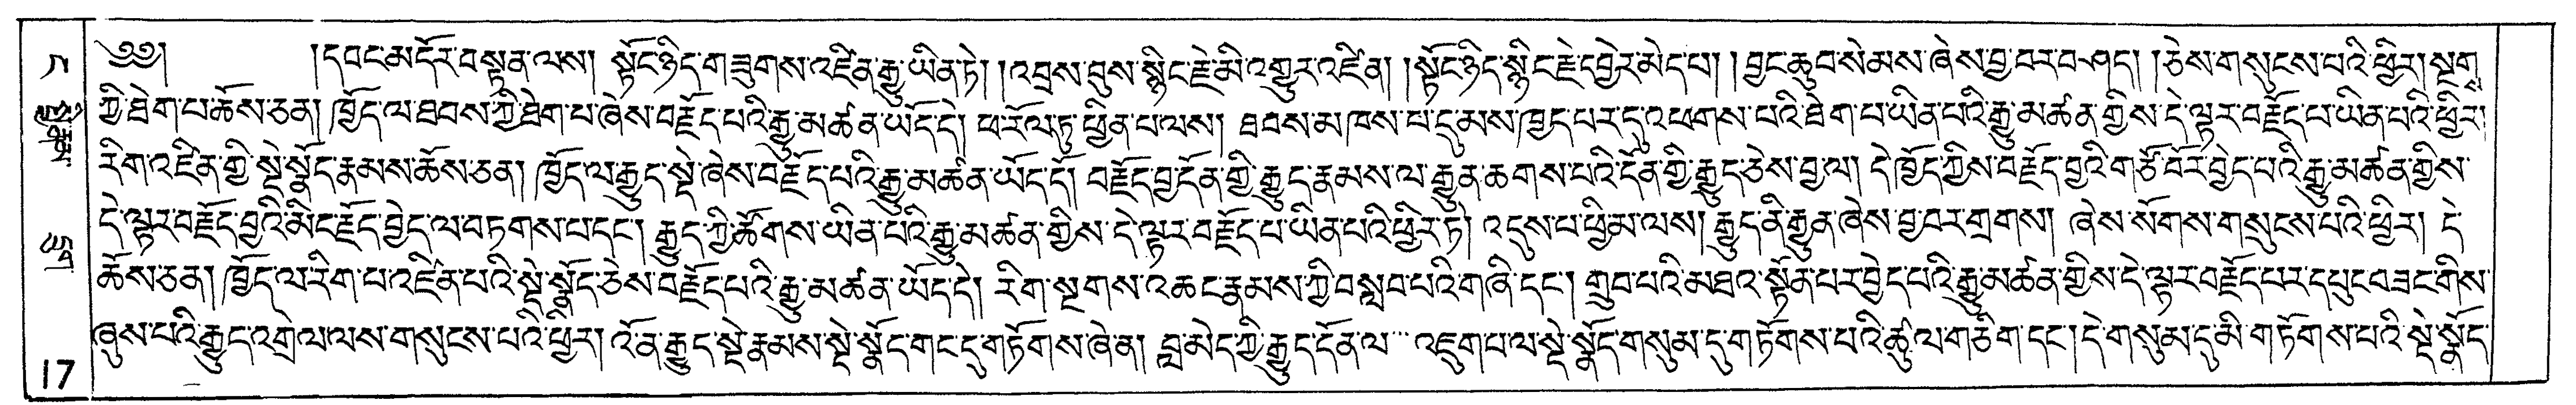༄༅། །དབང་མདོར་བསྟན་ལས། སྟོང་ཉིད་གཟུགས་འཛིན་རྒྱུ་ཡིན་ཏེ། །འབྲས་བུས་སྙིང་རྗེ་མི་འགྱུར་འཛིན། །སྟོང་ཉིད་སྙིང་རྗེ་དབྱེར་མེད་པ། །བྱང་ཆུབ་སེམས་ཞེས་བྱ་བར་བཤད། །ཅེས་གསུངས་པའི་ཕྱིར། སྔགས་
ཀྱི་ཐེག་པ་ཆོས་ཅན། ཁྱོད་ལ་ཐབས་ཀྱི་ཐེག་པ་ཞེས་བརྗོད་པའི་རྒྱུ་མཚན་ཡོད་དེ། ཕ་རོལ་ཏུ་ཕྱིན་པ་ལས། ཐབས་མཁས་པ་དུ་མས་ཁྱད་པར་དུ་འཕགས་པའི་ཐེག་པ་ཡིན་པའི་རྒྱུ་མཚན་གྱིས་དེ་ལྟར་བརྗོད་པ་ཡིན་པའི་ཕྱིར།
རིག་འཛིན་གྱི་སྡེ་སྣོད་རྣམས་ཆོས་ཅན། ཁྱོད་ལ་རྒྱུད་སྡེ་ཞེས་བརྗོད་པའི་རྒྱུ་མཚན་ཡོད་དོ། བརྗོད་བྱ་དོན་གྱི་རྒྱུད་རྣམས་ལ་རྒྱུན་ཆགས་པའི་དོན་གྱི་རྒྱུད་ཅེས་བྱ་ལ། དེ་ཁྱོད་ཀྱིས་བརྗོད་བྱའི་གཙོ་བོར་བྱེད་པའི་རྒྱུ་མཚན་གྱིས་
དེ་ལྟར་བརྗོད་བྱའི་མིང་རྗོད་བྱེད་ལ་བཏགས་པ་དང་། རྒྱུད་ཀྱི་ཚོགས་ཡིན་པའི་རྒྱུ་མཚན་གྱིས་དེ་ལྟར་བརྗོད་པ་ཡིན་པའི་ཕྱིར་ཏེ། འདུས་པ་ཕྱི་མ་ལས། རྒྱུད་ནི་རྒྱུན་ཞེས་བྱ་བར་གྲགས། ཞེས་སོགས་གསུངས་པའི་ཕྱིར། དེ་
ཆོས་ཅན། ཁྱོད་ལ་རིག་པ་འཛིན་པའི་སྡེ་སྣོད་ཅེས་བརྗོད་པའི་རྒྱུ་མཚན་ཡོད་དེ། རིག་སྔགས་འཆང་རྣམས་ཀྱི་བསླབ་པའི་གཞི་དང་། གྲུབ་པའི་མཐའ་སྟོན་པར་བྱེད་པའི་རྒྱུ་མཚན་གྱིས་དེ་ལྟར་བརྗོད་པར་དཔུང་བཟང་གིས་
ཞུས་པའི་རྒྱུད་འགྲེལ་ལས་གསུངས་པའི་ཕྱིར། འོ་ན་རྒྱུད་སྡེ་རྣམས་སྡེ་སྣོད་གང་དུ་གཏོགས་ཞེ་ན། བླ་མེད་ཀྱི་རྒྱུད་དོན་ལ་འཇུག་པ་ལ་སྡེ་སྣོད་གསུམ་དུ་གཏོགས་པའི་ཚུལ་གཅིག་དང་། དེ་གསུམ་དུ་མི་གཏོགས་པའི་སྡེ་སྣོད་